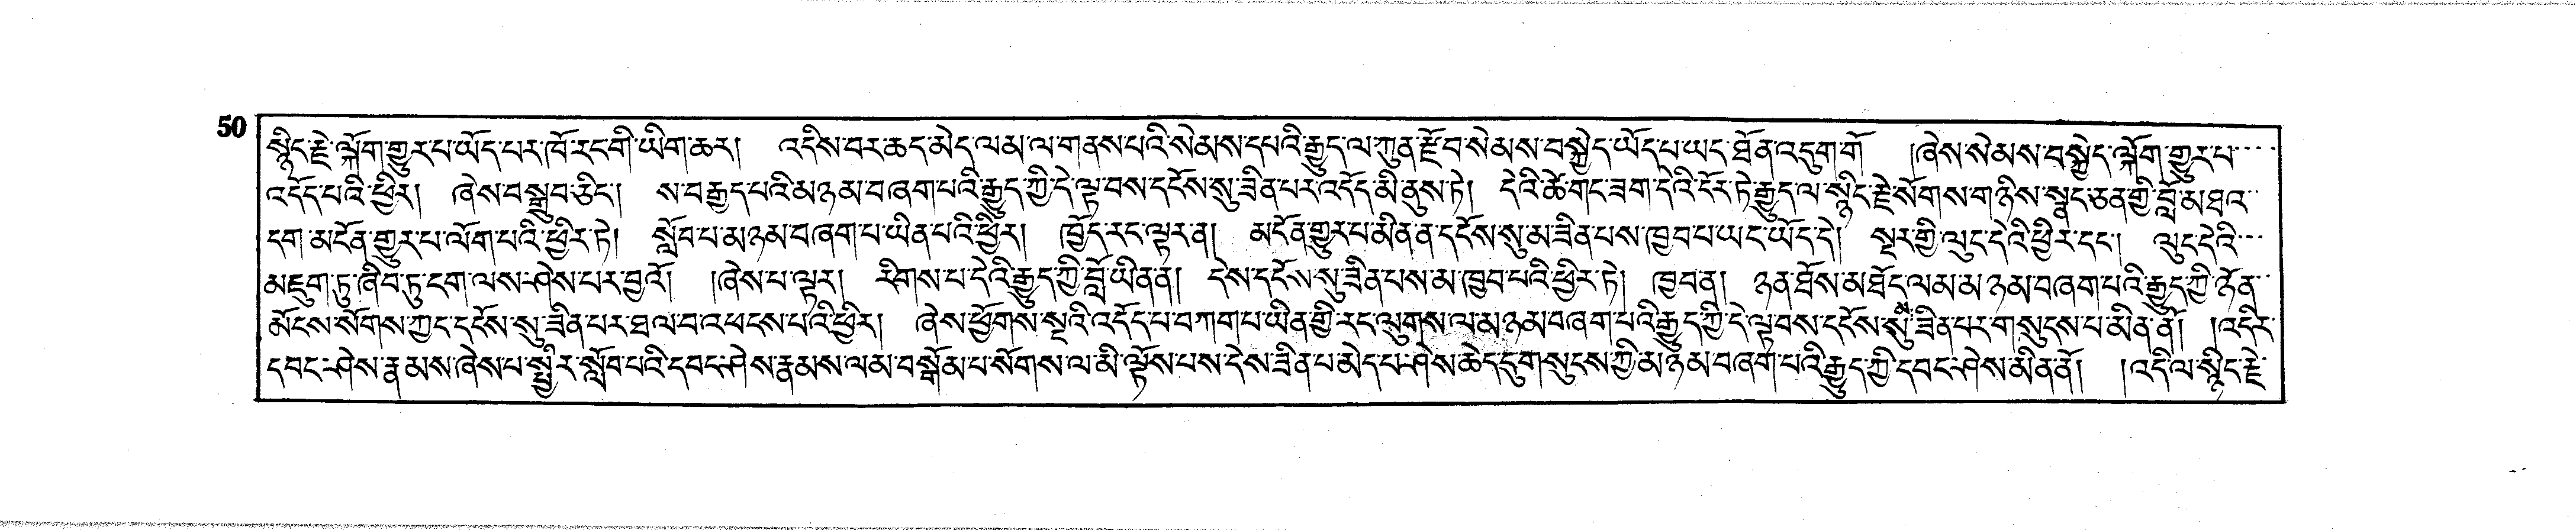སྙིང་རྗེ་ལྐོག་གྱུར་པ་ཡོད་པར་ཁོ་རང་གི་ཡིག་ཆར། འདིས་བར་ཆད་མེད་ལམ་ལ་གནས་པའི་སེམས་དཔའི་རྒྱུད་ལ་ཀུན་རྫོབ་སེམས་བསྐྱེད་ཡོད་པ་ཡང་ཐོན་འདུག་གོ །ཞེས་སེམས་བསྐྱེད་ལྐོག་གྱུར་པ་
འདོད་པའི་ཕྱིར། ཞེས་བསྒྲུབ་ཅིང་། ས་བརྒྱད་པའི་མཉམ་བཞག་པའི་རྒྱུད་ཀྱི་དེ་ལྟ་བས་དངོས་སུ་ཟིན་པར་འདོད་མི་ནུས་ཏེ། དེའི་ཚེ་གང་ཞག་དེའི་ངོར་ཏེ་རྒྱུད་ལ་སྙིང་རྗེ་སོགས་གཉིས་སྣང་ཅན་གྱི་བློ་མཐའ་
དག་མངོན་གྱུར་པ་ལོག་པའི་ཕྱིར་ཏེ། སློབ་པ་མཉམ་བཞག་པ་ཡིན་པའི་ཕྱིར། ཁྱོད་རང་ལྟར་ན། མངོན་གྱུར་པ་མིན་ན་དངོས་སུ་མ་ཟིན་པས་ཁྱབ་པ་ཡང་ཡོད་དེ། སྔར་གྱི་ལུང་དེའི་ཕྱིར་དང་། ལུང་དེའི་
མཇུག་ཏུ་ཞིབ་ཏུ་ངག་ལས་ཤེས་པར་བྱའོ། །ཞེས་པ་ལྟར། རིགས་པ་དེའི་རྒྱུད་ཀྱི་བློ་ཡིན་ན། དེས་དངོས་སུ་ཟིན་པས་མ་ཁྱབ་པའི་ཕྱིར་ཏེ། ཁྱབ་ན། ཉན་ཐོས་མཐོད་ལམ་མཉམ་བཞག་པའི་རྒྱུད་ཀྱི་ཉོན་
མོངས་སོགས་ཀྱང་དངོས་སུ་ཟིན་པར་ཐལ་བ་འཕངས་པའི་ཕྱིར། ཞེས་ཕྱོགས་སྔའི་འདོད་པ་བཀག་པ་ཡིན་གྱི་རང་ལུགས་ལ་མཉམ་བཞག་པའི་རྒྱུད་ཀྱི་དེ་ལྟ་བས་དངོས་སུམ་ཟིན་པར་གསུངས་པ་མིན་ནོ། །འདིར་
དབང་ཤེས་རྣམས་ཞེས་པ་སྤྱིར་སློབ་པའི་དབང་ཤེས་རྣམས་ལམ་བསྒོམ་པ་སོགས་ལ་མི་ལྟོས་པས་དེས་ཟིན་པ་མེད་པ་ཤེས་ཆེད་དུ་གསུངས་ཀྱི་མཉམ་བཞག་པའི་རྒྱུད་ཀྱི་དབང་ཤེས་མིན་ནོ། །འདི་ལ་སྙིང་རྗེ་